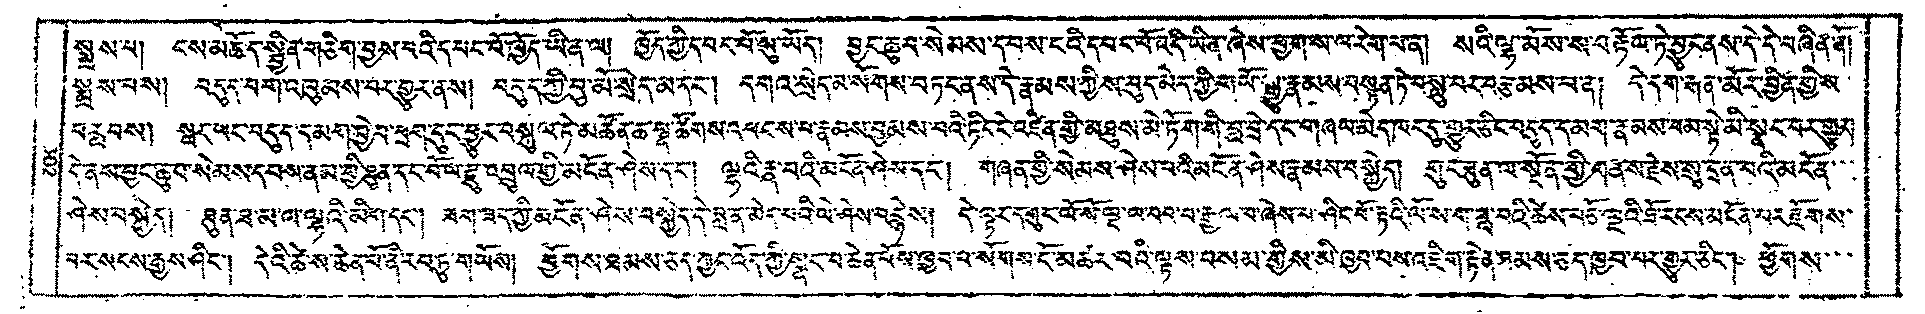སྨྲས་པ། ངས་མཆོད་སྦྱིན་གཅིག་བྱས་པའི་དབང་པོ་ཁྱོད་ཡིན་ལ། ཁྱོད་ཀྱི་དབང་པོ་སུ་ཡོད། བྱང་ཆུབ་སེམས་དཔས་ངའི་དབང་པོ་འདི་ཡིན་ཞེས་ཕྱག་ས་ལ་རེག་པ་ན། སའི་ལྷ་མོས་ས་བརྟོལ་ཏེ་བྱུང་ནས་དེ་དེ་བཞིན་ནོ།
སྨྲས་པས། བདུད་བག་འཁུམས་པར་གྱུར་ནས། བདུད་ཀྱི་བུ་མོ་སྲེད་མ་དང་། དགའ་སྲེད་མ་སོགས་བཏང་ནས་དེ་རྣམས་ཀྱིས་བུད་མེད་ཀྱི་གཡོ་སྒྱུ་རྣམས་བསྟན་ཏེ་བསླུ་བར་བརྩམས་པ་ན། དེ་དག་རྒན་མོར་བྱིན་གྱིས་
བརླབས། སླར་ཡང་བདུད་དམག་བྱེ་བ་ཕྲག་དུང་ཕྱུར་བསྐུལ་ཏེ་མཚོན་ཆ་སྣ་ཚོགས་འཕངས་པ་རྣམས་བྱམས་པའི་ཏིང་ངེ་འཛིན་གྱི་མཐུས་མེ་ཏོག་གི་བླ་བྲེ་དང་གཞལ་མེད་ཁང་དུ་གྱུར་ཅིང་བདུད་དམག་རྣམས་ཕམ་སྟེ་མི་སྣང་བར་གྱུར།
དེ་ནས་བྱང་ཆུབ་སེམས་དཔས་ནམ་གྱི་ཐུན་དང་པོ་ལ་རྫུ་འཕྲུལ་གྱི་མངོན་ཤེས་དང་། ལྷའི་རྣ་བའི་མངོན་ཤེས་དང་། གཞན་གྱི་སེམས་ཤེས་པའི་མངོན་ཤེས་རྣམས་བསྐྱེད། གུང་ཐུན་ལ་སྔོན་གྱི་གནས་རྗེས་སུ་དྲན་པའི་མངོན་
ཤེས་བསྐྱེད། ཐུན་ཐ་མ་ལ་ལྷའི་མིག་དང་། ཟག་ཟད་ཀྱི་མངོན་ཤེས་བསྐྱེད་དེ་བླ་ན་མེད་པའི་ཡེ་ཤེས་བརྙེས། དེ་ལྟར་དགུང་ལོ་སོ་ལྔ་ལ་བབ་པ་རྒྱལ་བ་ཞེས་པ་ཤིང་ཕོ་རྟའི་ལོ་ས་ག་ཟླ་བའི་ཚེས་བཅོ་ལྔའི་ཐོ་རངས་མངོན་པར་རྫོགས་
པར་སངས་རྒྱས་ཤིང་། དེའི་ཚེས་ཆེན་པོ་ནི་རབ་ཏུ་གཡོས། ཕྱོགས་ཐམས་ཅད་འོད་ཀྱི་སྣང་བ་ཆེན་པོས་ཁྱབ་པ་སོགས་ངོ་མཚར་བའི་ལྟས་བསམ་གྱིས་མི་ཁྱབ་པས་འཇིག་རྟེན་ཐམས་ཅད་ཁྱབ་པར་གྱུར་ཅིང་། ཕྱོགས་